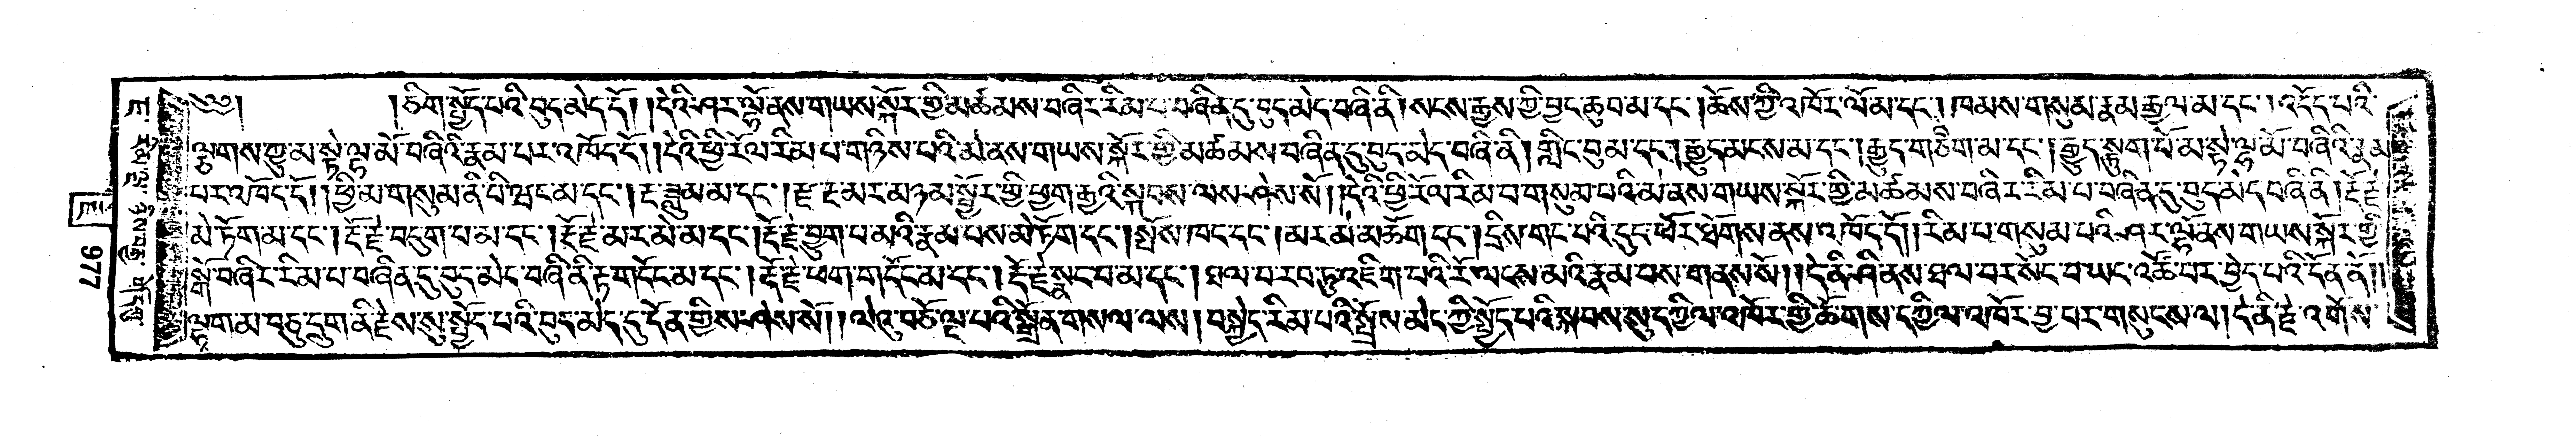༄༅། །ཅིག་སྤྱོད་པའི་བུད་མེད་དོ། །དེའི་ཤར་ལྷོ་ནས་གཡས་སྐོར་གྱི་མཚམས་བཞིར་རིམ་པ་བཞིན་དུ་བུད་མེད་བཞི་ནི། སངས་རྒྱས་ཀྱི་བྱང་ཆུབ་མ་དང་། ཆོས་ཀྱི་འཁོར་ལོ་མ་དང་། ཁམས་གསུམ་རྣམ་རྒྱལ་མ་དང་། འདོད་པའི་
ལྕགས་ཀྱུ་མ་སྟེ་ལྷ་མོ་བཞིའི་རྣམ་པར་འཁོད་དོ། །དེའི་ཕྱི་རོལ་རིམ་པ་གཉིས་པའི་མེ་ནས་གཡས་སྐོར་གྱི་མཚམས་བཞིན་དུ་བུད་མེད་བཞི་ནི། གླིང་བུ་མ་དང་། རྒྱུད་མངས་མ་དང་། རྒྱུད་གཅིག་མ་དང་། རྒྱུད་སྟུག་པོ་མ་སྟེ་ལྷ་མོ་བཞིའི་རྣམ་
པར་འཁོད་དོ། །ཕྱི་མ་གསུམ་ནི་པི་ཝང་མ་དང་། རྔ་ཟླུམ་མ་དང་། རྫ་རྔ་མར་མཉམ་སྦྱོར་གྱི་ཕྱག་རྒྱའི་སྐབས་ལས་ཤེས་སོ། །དེའི་ཕྱི་རོལ་རིམ་པ་གསུམ་པའི་མེ་ནས་གཡས་སྐོར་གྱི་མཚམས་བཞིར་རིམ་པ་བཞིན་དུ་བུད་མེད་བཞི་ནི། རྡོ་རྗེ་
མེ་ཏོག་མ་དང་། རྡོ་རྗེ་བདུག་པ་མ་དང་། རྡོ་རྗེ་མར་མེ་མ་དང་། རྡོ་རྗེ་བྱུག་པ་མའི་རྣམ་པས་མེ་ཏོག་དང་། སྤོས་ཁང་དང་། མར་མེ་མཆོག་དང་། དྲིས་གང་བའི་དུང་ཕོར་ཐོགས་ནས་འཁོད་དོ། །རིམ་པ་གསུམ་པའི་ཤར་ལྷོ་ནས་གཡས་སྐོར་གྱི་
སྒོ་བཞིར་རིམ་པ་བཞིན་དུ་བུད་མེད་བཞི་ནི་རྟ་གདོང་མ་དང་། རྡོ་རྗེ་ཕག་གདོང་མ་དང་། རྡོ་རྗེ་སྣང་བ་མ་དང་། ཐལ་བ་རབ་ཏུ་འཇིག་པའི་རོ་ལངས་མའི་རྣམ་པས་གནས་སོ། །དེ་ནི་ཤི་ནས་ཐལ་བར་སོང་བ་ཡང་འཚོ་བར་བྱེད་པའི་དོན་ནོ། །
ལྷག་མ་བཅུ་དྲུག་ནི་རྗེས་སུ་སྤྱོད་པའི་བུད་མེད་དུ་དོན་གྱིས་ཤེས་སོ། །ལེའུ་བཅོ་ལྔ་པའི་སྒྲོན་གསལ་ལས། བསྐྱེད་རིམ་པའི་སྤྲོས་མེད་ཀྱི་སྤྱོད་པའི་སྐབས་སུ་དཀྱིལ་འཁོར་གྱི་ཆོ་གས་དཀྱིལ་འཁོར་བྱ་བར་གསུངས་ལ། དེ་ནི་རྗེ་འགོས་